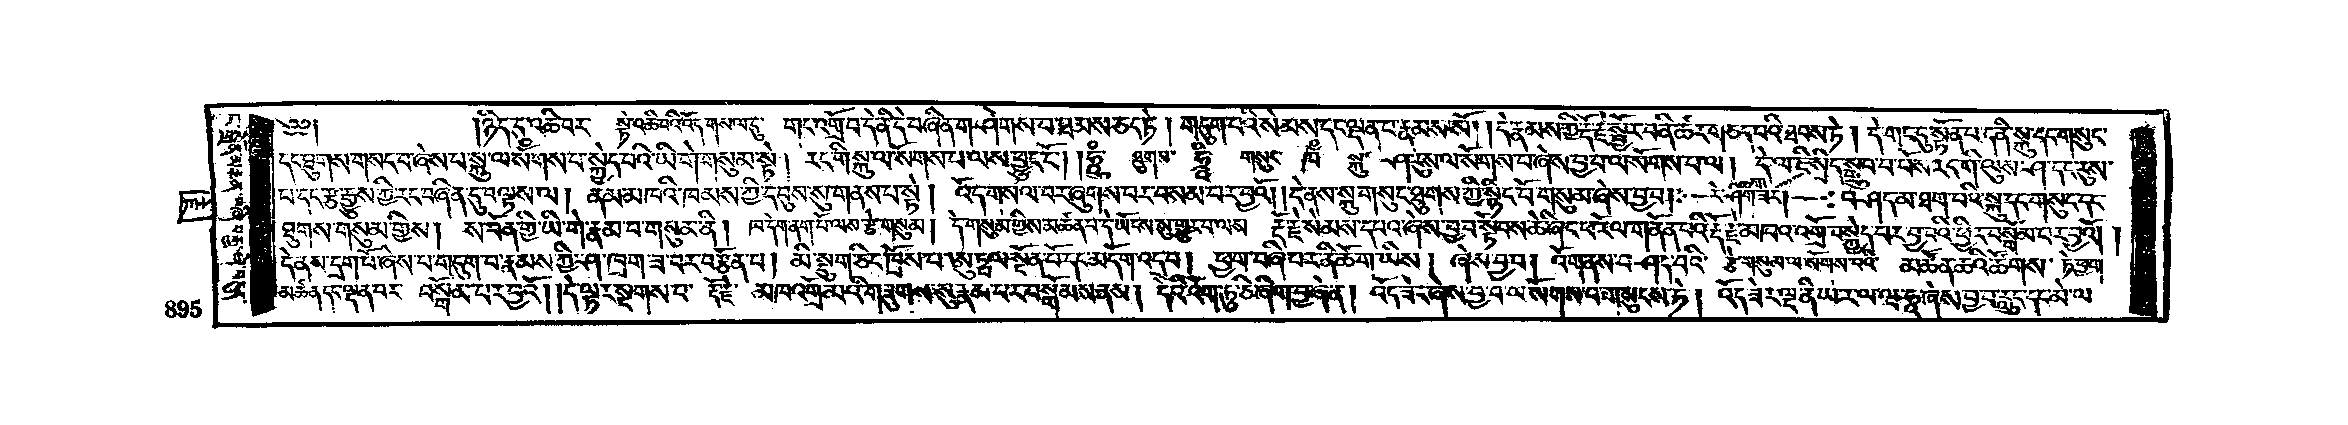༄༅། །ཉིད་དུ་འཆི་བར་སྟེ་འཆི་བའི་འོད་གསལ་དུ་གང་འགྲོ་བ་དེ་ནི་དེ་བཞིན་གཤེགས་པ་ཐམས་ཅད་ཏེ། གདུག་པའི་སེམས་དང་ལྡན་པ་རྣམས་སོ། །དེ་རྣམས་ཀྱི་རྡོ་རྗེ་སྦྱོར་བ་ནི་ཚར་གཅད་པའི་ཐབས་ཏེ། དེ་གང་དུ་སྟོན་པ་དེ་ནི་སྐུ་དང་གསུང་
དང་ཐུགས་གསང་བ་ཞེས་པ་སྐུ་ལ་སོགས་པ་སྐྱེད་པའི་ཡི་གེ་གསུམ་སྟེ། རང་གི་སྐུ་ལ་སོགས་པ་ལས་ཕྱུང་ངོ། །ཧཱུཾ་ཐུགས་ཧྲཱི་གསུང་ཁཾ་སྐུ་ཤ་རུས་ལ་སོགས་པ་ཞེས་བྱ་བ་ལ་སོགས་པ་ལ། དེ་ལ་ཇི་སྲིད་སྒྲུབ་པ་པོས་རང་གི་ལུས་ཤ་དང་རུས་
པ་དང་རྩ་རྒྱུས་ཀྱི་རང་བཞིན་དུ་བལྟས་ལ། ནམ་མཁའི་ཁམས་ཀྱི་དབུས་སུ་གནས་པ་སྟེ། འོད་གསལ་བར་ཞུགས་པར་བསམ་པར་བྱའོ། །དེ་ནས་སྐུ་གསུང་ཐུགས་ཀྱི་སྙིང་པོ་གསུམ་ཞེས་བྱ་བ། H རེ་ཆག་ཤིག་ཟེར།  H བཤད་མ་ཐག་པའི་སྐུ་དང་གསུང་དང་
ཐུགས་གསུམ་གྱིས། ས་བོན་གྱི་ཡི་གེ་རྣམ་པ་གསུམ་ནི། ཁ་དོག་ནག་པོ་ལས་རྩེ་གསུམ། དེ་གསུམ་གྱིས་མཚན་པ་དེ་ཡོངས་སུ་གྱུར་པ་ལས་རྡོ་རྗེ་སེམས་དཔའ་ཞེས་བྱ་བ་སྟོབས་ཆེ་ཞིང་ཕ་རོལ་གནོན་པའི་རྡོ་རྗེ་མཁའ་འགྲོ་བསྐྱེད་པར་བྱ་བའི་ཕྱིར་བསྒོམ་པར་བྱའོ། །
དེ་ནས་དྲག་པོ་ཞེས་པ་གདུག་པ་རྣམས་ཀྱི་ཤ་ཁྲག་ཟ་བར་བརྩོན་པ། མི་སྡུག་ཅིང་ཁྲོས་པ་ཨུཏྤལ་སྔོན་པོ་དང་མདོག་འདྲ་བ། ཕྱག་བཞི་བར་ནི་ཆོ་ག་ཡིས། ཞེས་བྱ་བ། འོག་ནས་བཤད་པའི་རྩེ་གསུམ་ལ་སོགས་པའི་མཚོན་ཆའི་ཚོགས་ཏེ་ཕྱག་
མཚན་དང་ལྡན་པར་བསྒོམ་པར་བྱའོ། །དེ་ལྟར་སྔགས་པ་རྡོ་རྗེ་མཁའ་འགྲོ་མའི་གཟུགས་སུ་རྣམ་པར་བསྒོམས་ནས། དེའི་འོག་ཏུ་ཅི་ཞིག་བྱ་ཞེ་ན། འོད་ཟེར་ཞེས་བྱ་བ་ལ་སོགས་པ་གསུངས་ཏེ། འོད་ཟེར་ལྔ་ནི་ཡ་ར་ལ་ཝ་ཧཱ་ཞེས་བྱ་བ་རླུང་དང་མེ་ལ་